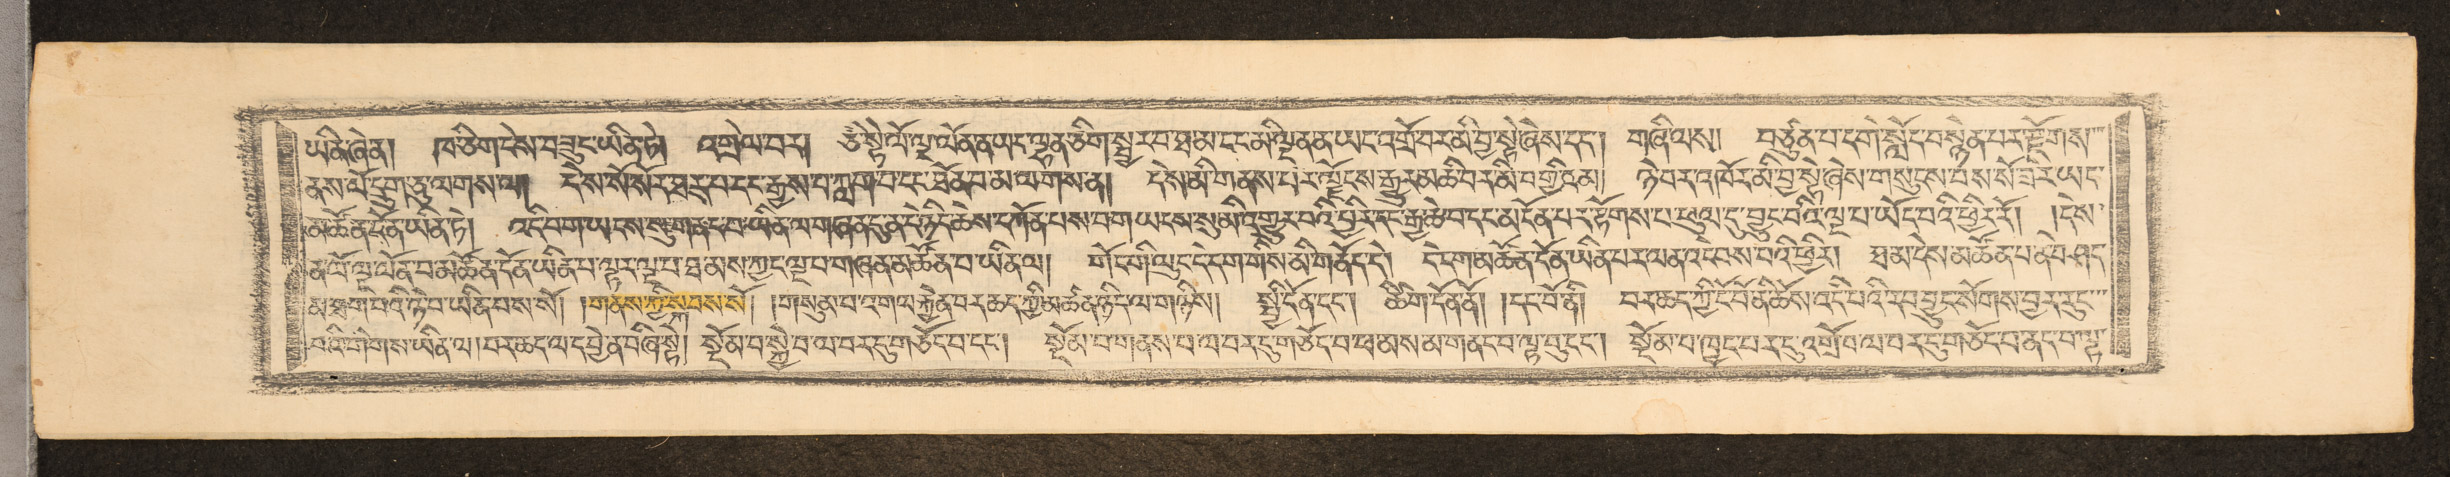ཡིན་ཞེ་ན། ཁ་ཅིག་ངེས་བཟུང་ཡིན་ཏེ། འགྲེལ་བར། ཅི་སྟེ་ལོ་ལྔ་ལོན་ན་ཡང་ལྷན་ཅིག་སྦྱར་བ་ཐ་མ་དང་མི་ལྡན་ན་ཡང་འགྲོ་བར་མི་བྱ་སྟེ་ཞེས་དང་། གཞི་ལས། བཙུན་པ་དགེ་སློང་བསྙེན་པར་རྫོགས་
ནམ་ལོ་དྲུག་ཅུ་ལགས་ལ། དེས་སོ་སོར་ཐར་པ་དང་རྒྱས་པ་ཀླག་པ་དང་ཐོན་པ་མ་ལགས་ན། དེས་མི་གནས་པར་ལྗོངས་རྒྱུར་མཆི་བར་མི་བགྱི་འམ། ཉེ་བར་འཁོར་མི་བྱ་སྟེ་ཞེས་གསུངས་པས་སོ་ཟེར་ཡང་
མཚོན་དོན་ཡིན་ཏེ། འདི་བག་ཡངས་སུ་གནང་བ་ཡིན་ལ་གཞན་དུ་ན་དེ་ཉིད་ཆེས་དཀོན་པས་བག་ཡངས་སུ་མི་འགྱུར་བའི་ཕྱིར་དང་རྒྱ་ཆེ་བ་དང་མངོན་པར་རྟོགས་པ་ཕུལ་དུ་བྱུང་བའི་ལྔ་པ་ཡོད་པའི་ཕྱིར་རོ། །དེས་
ན་ལོ་ལྔ་ལོན་པ་མཚོན་དོན་ཡིན་པ་ལྟར་ལྔ་པ་ཐ་མས་ཀྱང་ལྔ་བ་གཞན་མཚོན་པ་ཡིན་ལ། གོང་གི་ལུང་དེ་དག་གིས་མི་གནོད་དེ། དེ་དག་མཚོན་དོན་ཡིན་པར་ལན་འདེབས་པའི་ཕྱིར། ཐ་མ་དེས་མཚོན་བ་ནི་བཤད་
མ་ཐག་པའི་ཉེ་པ་ཡིན་པས་སོ། །གནས་ཀྱི་སྐབས་སོ། །གསུམ་པ་འགལ་རྐྱེན་བར་ཆད་ཀྱི་མཚན་ཉིད་ལ་གཉིས། སྤྱི་དོན་དང་། ཚིག་དོན་ནོ། །དང་པོ་ནི། བར་ཆད་ཀྱི་ངོ་བོ་ནི་ཆོས་འདི་པའི་རབ་བྱུང་སོགས་བྱར་རུང་
བའི་གེགས་ཡིན་ལ། བར་ཆད་ལ་དབྱེ་ན་བཞི་སྟེ། སྔོམ་པ་སྐྱེ་བ་ལ་བར་དུ་གཅོད་པ་དང་། སྡོམ་པ་གནས་པ་ལ་བར་དུ་གཅོད་པ་ཕ་མས་མ་གནང་བ་ལྟ་བུ་དང་། སྡོམ་པ་ཁྱད་པར་དུ་འགྲོ་བ་ལ་བར་དུ་གཅོད་པ་ནད་པ་ལྟ་